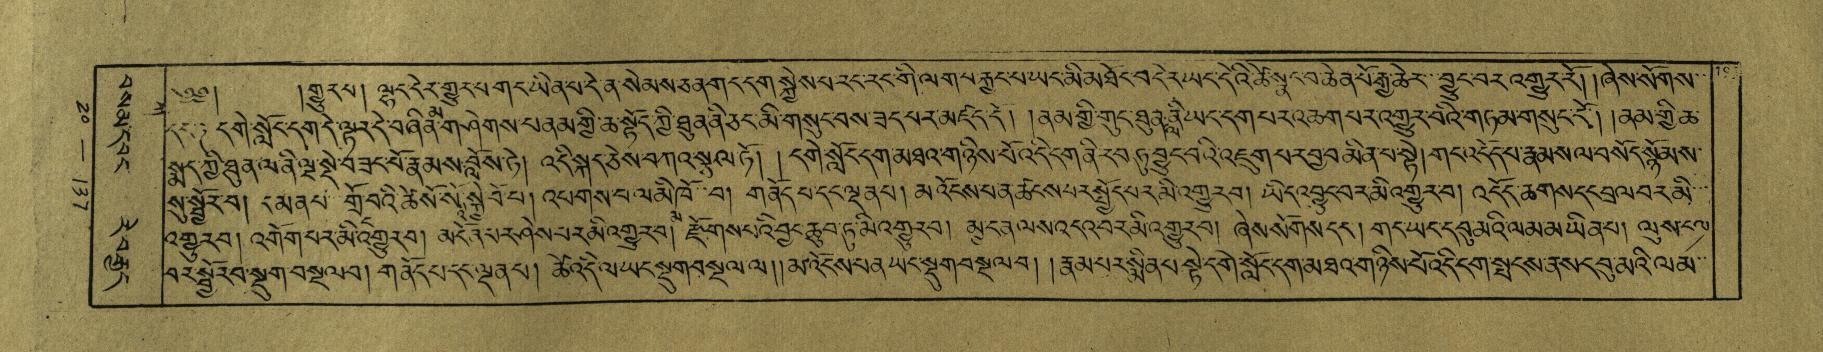༄༅། །གྱུར་པ། ལྷང་དེར་གྱུར་པ་གང་ཡིན་པ་དེ་ན་སེམས་ཅན་གང་དག་སྐྱེས་པ་རང་རང་གི་ལག་པ་རྐྱང་པ་ཡང་མི་མཐོང་བ་དེར་ཡང་དེའི་ཚེ་སྣང་བ་ཆེན་པོ་རྒྱ་ཆེར་བྱུང་བར་འགྱུར་རོ། །ཞེས་སོགས་
དང༑ དགེ་སློང་དག་དེ་ལྟར་དེ་བཞིན་གཤེགས་པ་ནམ་གྱི་ཆ་སྟོད་ཀྱི་ཐུན་ནི་ཅང་མི་གསུང་བས་ཟད་པར་མཛད་དོ། །ནམ་གྱི་གུང་ཐུན་ལ་ནི་ཡང་དག་པར་འཆག་པར་འགྱུར་བའི་གཏམ་གསུང་ངོ། །ནམ་གྱི་ཆ་
སྨད་ཀྱི་ཐུན་ལ་ནི་ལྔ་སྡེ་བཟང་པོ་རྣམས་བློས་ཏེ། འདི་སྐད་ཅེས་བཀའ་སྩལ་ཏོ། །དགེ་སློང་དག་མཐའ་གཉིས་པོ་འདི་དག་ནི་རབ་ཏུ་བྱུང་བའི་འཇུག་པར་བྱ་བ་མིན་པ་སྟེ། གང་འདོད་པ་རྣམས་ལ་བསོད་སྙོམས་
སུ་སྦྱོར་བ། དམན་པ་གྲོ་བའི་ཚེ་སོ་སོའི་སྐྱེ་བོ་པ། འཕགས་པ་ལ་མི་ཁོམ་བ། གནོད་པ་དང་ལྡན་པ། མ་འོངས་པ་ན་ཚངས་པར་སྤྱོད་པར་མི་འགྱུར་བ། ཡིད་འབྱུང་བར་མི་འགྱུར་བ། འདོད་ཆགས་དང་བྲལ་བར་མི་
འགྱུར་བ། འགོག་པར་མི་འགྱུར་བ། མངོན་པར་ཤེས་པར་མི་འགྱུར་བ། རྫོགས་པའི་བྱང་ཆུབ་ཏུ་མི་འགྱུར་བ། མྱ་ངན་ལས་འདའ་བར་མི་འགྱུར་བ། ཞེས་སོགས་དང་། གང་ཡང་དབུ་མའི་ལམ་མ་ཡིན་པ། ལུས་ངལ་
བར་སྦྱོར་བ་སྡུག་བསྔལ་བ། གནོད་པ་དང་ལྡན་པ། ཚེ་འདི་ལ་ཡང་སྡུག་བསྔལ་ལ། །མ་འོངས་པ་ན་ཡང་སྡུག་བསྔལ་བ། །རྣམ་པར་སྨིན་པ་སྟེ་དགེ་སློང་དག་མཐའ་གཉིས་པོ་འདི་དག་སྤངས་ནས་དབུ་མའི་ལམ་